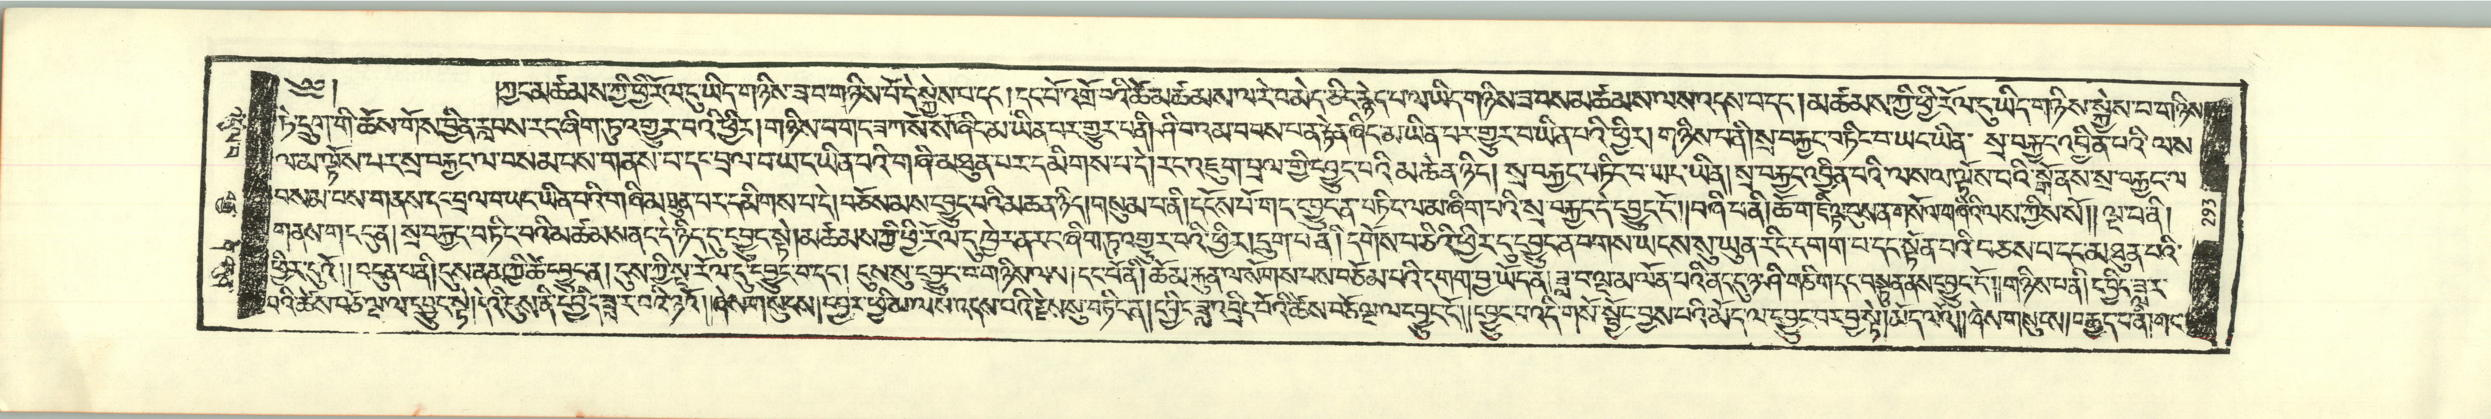༄༅། །ཀྱང་མཚམས་ཀྱི་ཕྱི་རོལ་དུ་ཡིད་གཉིས་ཟ་བ་གཉིས་པོ་དེ་སྐྱེས་པ་དང་། དང་པོ་འགྲོ་བའི་ཚེ་མཚམས་ལ་རེ་བ་མེད་ཅིང་རྙེད་པ་ལ་ཡིད་གཉིས་ཟ་བས་མཚམས་ལས་འདས་པ་དང་། མཚམས་ཀྱི་ཕྱི་རོལ་དུ་ཡིད་གཉིས་སྐྱེས་པ་གཉིས་
ཏེ་དྲུག་གི་ཆོས་གོས་བྱིན་རླབས་རང་ཞིག་ཏུ་འགྱུར་བའི་ཕྱིར། གཉིས་པ་གང་ཟག་སོ་སོ་ཞིང་མ་ཡིན་པར་གྱུར་པ་ནི། ཤི་བའམ་བབས་པ་ན་རྟེན་ཞིང་མ་ཡིན་པར་གྱུར་བ་ཡིན་པའི་ཕྱིར། གཉིས་པ་ནི། སྲ་བརྐྱང་བཏིང་བ་ཡང་ཡིན་སྲ་བརྐྱང་འབྱིན་པའི་ལས་
ལ་མ་ལྟོས་པར་སྲ་བརྐྱང་ལ་བསམ་པས་གནས་པ་དང་བྲལ་བ་ཡང་ཡིན་བའི་གཞི་མཐུན་པར་དམིགས་པ་དེ། རང་འཇུག་བྲལ་གྱི་དབྱུང་པའི་མ་ཆེན་ཉིད། སྲ་བརྐྱང་བཏིང་བ་ཡང་ཡིན། སྲ་བརྐྱང་འབྱིན་པའི་ལས་ལ་ལྟོས་པའི་སྒོ་ནས་སྲ་བརྐྱང་ལ་
བསམ་པས་གནས་དང་བྲལ་བ་ཡང་ཡིན་པའི་གཞི་མཐུན་པར་དམིགས་པ་དེ། བཅོས་མས་དབྱུང་བའི་མཚན་ཉིད། གསུམ་པ་ནི། དངོས་པོ་གང་དབྱུང་ན་བཏིང་ལ་མ་ཞིག་པའི་སྲ་བརྐྱང་དེ་དབྱུང་ངོ། །བཞི་པ་ནི། ཆོ་ག་ཇི་ལྟ་བུས་ན་གསོལ་གཞིའི་ལས་ཀྱིས་སོ། །ལྔ་པ་ནི།
གནས་གང་དུ་ན། སྲ་བརྐྱང་བཏིང་བའི་མཚམས་ནང་དེ་ཉིད་དུ་དབྱུང་སྟེ། མཚམས་ཀྱི་ཕྱི་རོལ་དུ་ཁྱེར་ན་རང་ཞིག་ཏུ་འགྱུར་བའི་ཕྱིར། དྲུག་པ་ནི། དགོས་པ་ཅིའི་ཕྱིར་དུ་དབྱུང་ན་བགས་ཡངས་སུ་ཡུན་རིང་དགག་པ་དང་སྟོན་པའི་བཅས་པ་དང་མཐུན་པའི་
ཕྱིར་དུའོ། །བདུན་པ་ནི། དུས་ནམ་ཀྱི་ཚེ་དབྱུང་ན། དུས་ཀྱི་སྔ་རོལ་དུ་དབྱུང་བ་དང་། དུས་སུ་དབྱུང་བ་གཉིས་ལས། དང་པོ་ནི། ཆོམ་རྐུན་ལ་སོགས་པས་བཅོམ་པའི་དགག་བྱ་ཡོད་ན། ཟླ་བ་ལྔ་མ་ལོན་པའི་ནང་དུ་ཉ་ཤི་གཅིག་དང་བསྟུན་ནས་དབྱུང་ངོ། །གཉིས་པ་ནི། དབྱིད་ཟླར་
བའི་ཚེས་བཅོ་ལྔ་ལ་དབྱུང་སྟེ། དེའི་དུས་ནི་དབྱིད་ཟླ་ར་བའི་ཉའོ། །ཞེས་གསུངས། དབྱར་ཕྱི་མ་ལས་འདས་པའི་རྗེས་སུ་བཏིང་ན། དབྱིད་ཟླ་འབྲིང་པོའི་ཚེས་བཅོ་ལྔ་ལ་དབྱུད་དོ། །དབྱུང་བ་འདི་གསོ་སྦྱོང་བྱས་པའི་མོད་ལ་དབྱུང་བར་བྱ་སྟེ། མོད་ལའོ། །ཞེས་གསུངས། བརྒྱད་པ་ནི། གང་